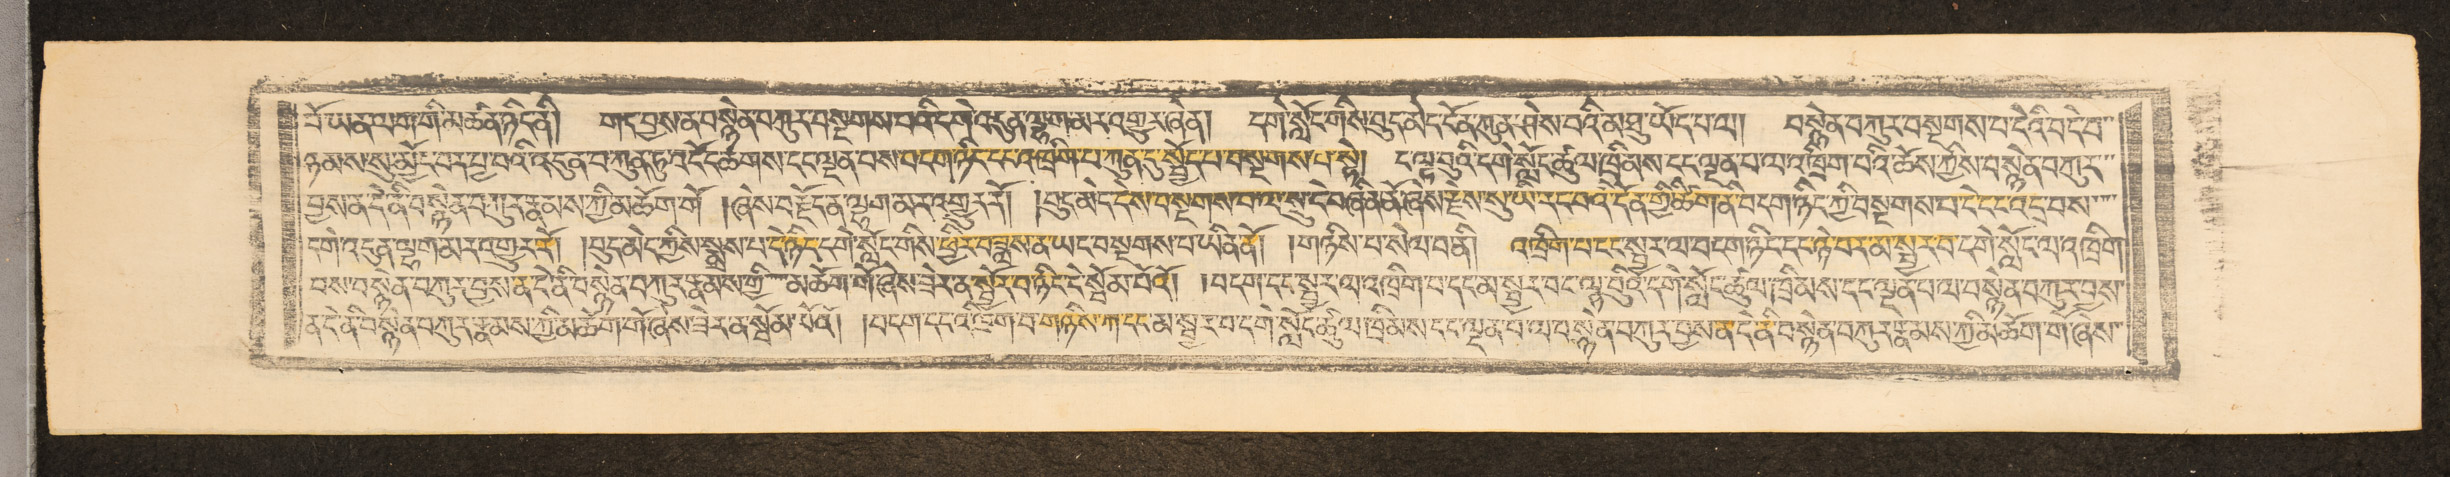པོ་ཡན་ལག་གི་མཚན་ཉིད་ནི། གང་བྱས་ན་བསྙེན་བཀུར་བསྔགས་པའི་དགེ་འདུན་ལྷག་མར་འགྱུར་ཞེ་ན། དགེ་སློང་གིས་བུད་མེད་དོན་ཀུན་ཤེས་པའི་མཐུ་ཡོད་པ་ལ། བསྙེན་བཀུར་བསྔགས་པ་དེའི་བདེ་བ་
ཉམས་སུ་མྱོང་བར་བྱ་བའི་འདུན་པ་ཀུན་ཏུ་འདོད་ཆགས་དང་ལྡན་པས་བདག་ཉིད་དང་འཁྲིག་པ་ཀུན་དུ་སྤྱོད་པ་བསྔགས་པ་སྟེ། ད་ལྟ་བུའི་དགེ་སློང་ཚུལ་ཁྲིམས་དང་ལྡན་པ་ལ་འཁྲིག་པའི་ཆོས་ཀྱིས་བསྙེན་བཀུར་
བྱས་ན་དེ་ནི་བསྙེན་བཀུར་རྣམས་ཀྱི་མཆོག་གོ །ཞེས་བརྗོད་ན་ལྷག་མར་འགྱུར་རོ། །བུད་མེད་དེས་བསྔགས་པ་ལ་སྲུ་དེ་བཞིན་ནོ་ཞེས་རྗེས་སུ་ཡི་རང་བའི་དོན་གྱི་ཚིག་ནི་བདག་ཉིད་ཀྱི་བསྔགས་པ་དེ་དང་འདྲ་བས་
དགེ་འདུན་ལྷག་མར་འགྱུར་རོ། །བུད་མེད་ཀྱིས་སྨྲས་པ་དེ་ཉིད་དགེ་སློང་གིས་ཕྱིར་བཟླས་ན་ཡང་བསྔགས་པ་ཡིན་ནོ། །གཉིས་པ་སེལ་བ་ནི། འཁྲིག་པ་དང་སྦྱར་ལ་བདག་ཉིད་དང་ཉེ་བར་མ་སྦྱར་བ་དགེ་སློང་ལ་འཁྲིག་
པས་བསྙེན་བཀུར་བྱས་ན་དེ་ནི་བསྙེན་བཀུར་རྣམས་ཀྱི་མཆོག་གོ་ཞེས་ཟེར་ན་སྦྱོར་བ་ཉིད་དེ་སྦོམ་པོའོ། །བདག་དང་སྦྱར་ལ་འཁྲིག་པ་དང་མ་སྦྱར་བ་དེ་ལྟ་བུའི་དགེ་སློང་ཚུལ་ཁྲིམས་དང་ལྡན་པ་ལ་བསྙེན་བཀུར་བྱས་
ན་དེ་ནི་བསྙེན་བཀུར་རྣམས་ཀྱི་མཆོག་གོ་ཞེས་ཟེར་ན་སྦོམ་པོའོ། །བདག་དང་འཁྲིག་པ་གཉིས་ཀ་དང་མ་སྦྱར་བ་དགེ་སློང་ཚུལ་ཁྲིམས་དང་ལྡན་པ་ལ་བསྙེན་བཀུར་བྱས་ན་དེ་ནི་བསྙེན་བཀུར་རྣམས་ཀྱི་མཆོག་གོ་ཞེས་